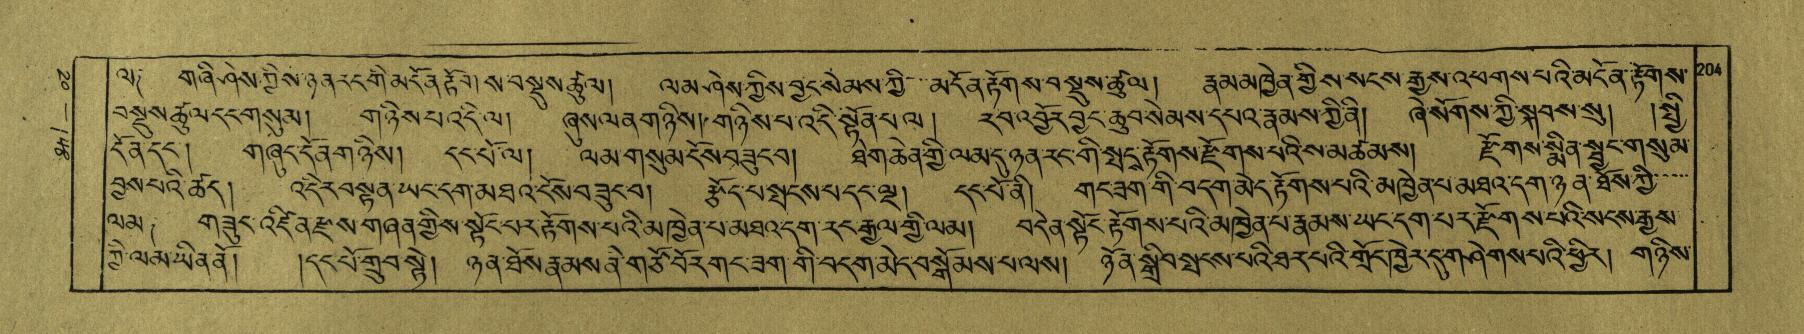ལ༑ གཞི་ཤེས་ཀྱིས་ཉན་རང་གི་མངོན་རྟོགས་བསྡུས་ཚུལ། ལམ་ཤེས་ཀྱིས་བྱང་སེམས་ཀྱི་མངོན་རྟོགས་བསྡུས་ཚུལ། རྣམ་མཁྱེན་གྱིས་སངས་རྒྱས་འཕགས་པའི་མངོན་རྟོགས་
བསྡུས་ཚུལ་དང་གསུམ། གཉིས་པ་འདི་ལ། ཞུས་ལན་གཉིས། གཉིས་པ་འདི་སྟོན་པ་ལ། རབ་འབྱོར་བྱང་ཆུབ་སེམས་དཔའ་རྣམས་ཀྱི་ནི། ཞེ་སོགས་ཀྱི་སྐབས་སུ། །སྤྱི་
དོན་དང་། གཞུང་དོན་གཉིས། དང་པོ་ལ། ལམ་གསུམ་ངོས་བཟུང་བ། ཐེག་ཆེན་གྱི་ལམ་དུ་ཉན་རང་གི་སྤངས་རྟོགས་རྫོགས་པའི་ས་མཚམས། །རྫོགས་སྨིན་སྦྱང་གསུམ་
བྱས་པའི་ཚད། འདིར་བསྟན་ཡང་དག་མཐའ་ངོས་བཟུང་བ། རྩོད་པ་སྤངས་པ་དང་ལྔ། དང་པོ་ནི། གང་ཟག་གི་བདག་མེད་རྟོགས་པའི་མཁྱེན་པ་མཐའ་དག་ཉན་ཐོས་ཀྱིས་
ལམ༑ གཟུང་འཛིན་རྫས་གཞན་གྱིས་སྟོང་པར་རྟོགས་པའི་མཁྱེན་པ་མཐའ་དག་རང་རྒྱལ་གྱི་ལམ། བདེན་སྟོང་རྟོགས་པའི་མཁྱེན་པ་རྣམས་ཡང་དག་པར་རྫོགས་པའི་སངས་རྒྱས་
ཀྱི་ལམ་ཡིན་ནོ། །དང་པོ་གྲུབ་སྟེ། ཉན་ཐོས་རྣམས་ནི་གཙོ་བོར་གང་ཟག་གི་བདག་མེད་བསྒོམས་པ་ལས། ཉོན་སྒྲིབ་སྤངས་པའི་ཐར་པའི་གྲོང་ཁྱེར་དུ་གཤེགས་པའི་ཕྱིར། གཉིས་